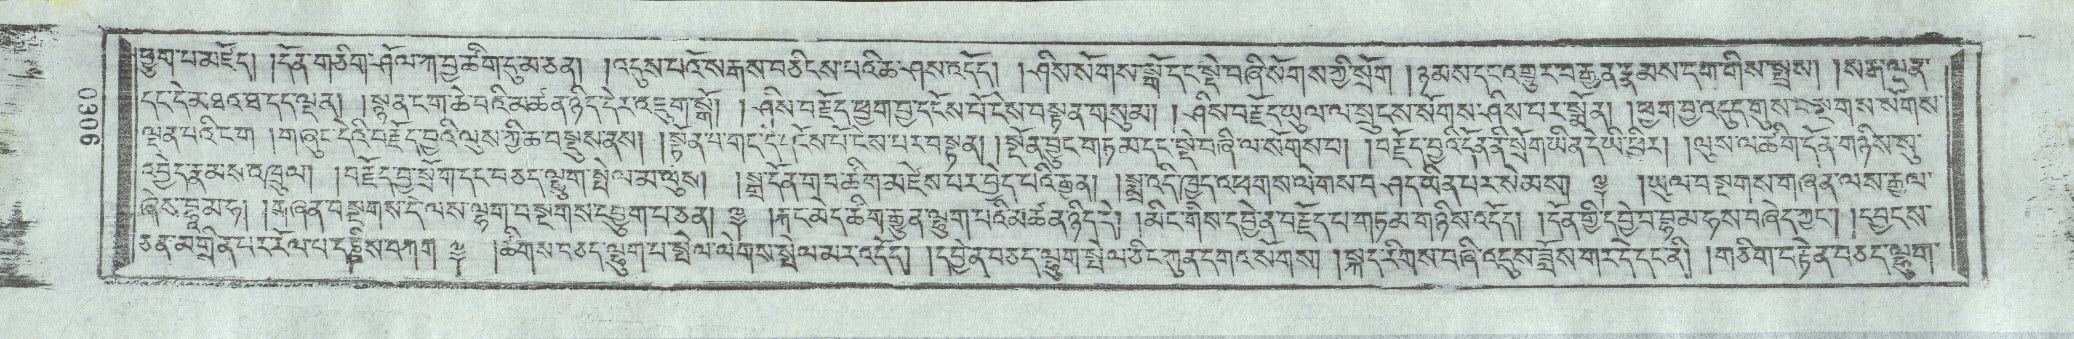ཕྱུག་པ་མཛོད། །དོན་གཅིག་ཤོལ་ཀ་བྱ་ཚིག་དུ་མ་ཅན། །འདུས་པའོ་ས་རྒས་བཅིངས་པའི་ཆ་ཤས་འདོད། །ཤིས་སོགས་སྒོ་དང་སྡེ་བཞི་སོགས་ཀྱི་སྲོག །ཉམས་དང་འགྱུར་བརྒྱན་རྣམས་དག་གིས་སྤྲས། །ས?་ལྡན་
དང་དེ་མཐའ་ཐ་དད་ལྡན། །སྙན་ངག་ཆེ་བའི་མཚན་ཉིད་དེར་འཇུག་སྒོ། །ཤིས་བརྗོད་ཕྱག་བྱ་དངོས་པོ་ངེས་བསྟན་གསུམ། །ཤིས་བརྗོད་ཡུལ་ལ་སྲུངས་སོགས་ཤིས་པར་སྨོན། །ཕྱག་བྱ་འདུད་གུས་བསྔགས་སོགས?
ལྡན་པའི་ངག །གཞུང་དེའི་བརྗོད་བྱའི་ལུས་ཀྱི་ཆ་བསྡུས་ནས། །སྟོན་པ་གང་དེ་དངོས་པོ་ངེས་པར་བསྟན། །སྡོམ་བྱུང་གཏམ་དང་སྡེ་བཞི་ལ་སོགས་པ། །བརྗོད་བྱའི་དོན་ནི་སྲོག་ཡིན་དེ་ཡི་ཕྱིར། །ལུས་ལ་ཚིག་དོན་གཉིས་སུ་
འབྱེད་རྣམས་འཁྲུལ། །བརྗོད་བྱ་སྲོག་དང་བཅད་ལྷུག་སྤེལ་མ་ལུས། །སྒྲ་དོན་གབ་ཚིག་མཛེས་པར་བྱེད་པའི་རྒྱན། །སྨྲ་འདི་ཁྱད་འཕགས་ལེགས་བཤད་ཡིན་པར་སེམས། ༈ །ཡུལ་བསྔགས་གཞན་ལས་རྒྱལ་
ཞེས་བྷཱ་མཧ། །གཞན་བསྔགས་དེ་ལས་ལྷག་བསྔགས་དབྱུག་པ་ཅན། ༈ །རྐང་མེད་ཚིག་རྒྱུན་ལྷུག་པའི་མཚན་ཉིད་དེ། །མིང་གིས་དབྱེ་ན་བརྗོད་པ་གཏན་གཉིས་འདོད། །དོན་གྱི་དབྱེ་བ་བྷ་མ་ཧས་བཞེད་ཀྱང་། །དབྱངས་
ཅན་མགྲིན་པར་རོལ་པ་དཎྜིས་བཀག ༈ །ཚིགས་བཅད་ལྷུག་པ་སྤེལ་ལེགས་སྤེལ་མར་འདོད། །དབྱེན་བཅད་ལྷུག་སྤེལ་ཅིང་ཀུན་དགའ་སོགས། །སྐད་རིགས་བཞི་འདུས་ཟློག་གར་དེ་དང་ནི། །གཅིག་བརྟེན་བཅད་ལྷུག་